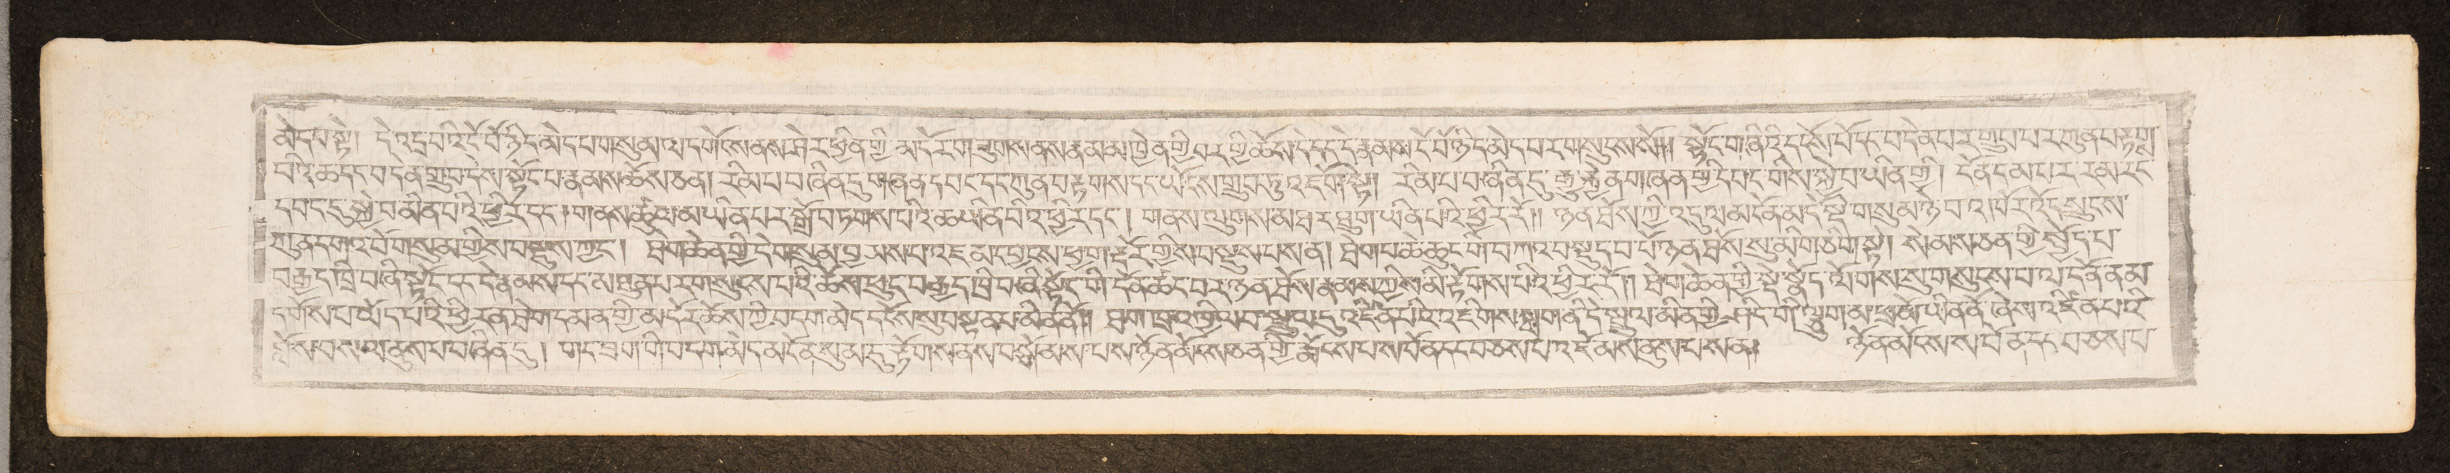མེད་པ་སྟེ། དེ་འདྲ་བའི་ངོ་བོ་ཉིད་མེད་པ་གསུམ་ལ་དགོངས་ནས་ཤེར་ཕྱིན་གྱི་མདོར་གཟུགས་ནས་རྣམ་མཁྱེན་གྱི་བར་གྱི་ཆོས་དེ་དང་དེ་རྣམས་ངོ་བོ་ཉིད་མེད་པར་གསུངས་སོ། །སྟོང་གཞིའི་དངོས་པོ་དང་བདེན་པར་གྲུབ་པར་ཀུན་བརྟགས་
བའི་ཆ་དང་བདེན་གྲུབ་དེས་སྟོང་པ་རྣམས་ཆོས་ཅན། རིམ་པ་བཞིན་དུ་གཞན་དབང་དང་ཀུན་བརྟགས་དང་ཡོངས་གྲུབ་ཏུ་འཇོག་སྟེ། རིམ་པ་བཞིན་དུ་རྒྱུ་རྐྱེན་གཞན་གྱི་དབང་གིས་སྐྱེ་བ་ཡིན་གྱི། དོན་དམ་པར་རམ་རང་
དབང་དུ་སྐྱེ་བ་མིན་པའི་ཕྱིར་དང་། གནས་ཚུལ་མ་ཡིན་པར་སྒྲོ་བཏགས་པའི་ཆ་ཡིན་པའི་ཕྱིར་དང་། གནས་ལུགས་མཐར་ཐུག་ཡིན་པའི་ཕྱིར་རོ།། ཉན་ཐོས་ཀྱི་འདུ་ལ་མངོན་མདོ་སྡེ་གསུམ་ཉེ་བ་འཁོར་འོད་སྲུངས་
ཀུན་དགའ་བོ་གསུམ་གྱིས་བསྡུས་ཀྱང་། ཐེག་ཆེན་གྱི་དེ་གསུམ་བྱམས་པ་འཇམ་དབྱངས་ཕྱག་རྡོར་གྱིས་བསྡུས་པས་ན། ཐེག་པ་ཆེ་ཆུང་གི་བཀའ་བསྡུད་བ་པོ་ཉན་ཐོས་སུ་མི་གཅིག་སྟེ། སེམས་ཅན་གྱི་སྤྱོད་པ་
བརྒྱད་ཁྲི་བཞི་སྟོང་དང་དེ་རྣམས་དང་མཐུན་པར་གསུངས་པའི་ཆོས་ཕུང་བརྒྱད་ཁྲི་བཞི་སྟོང་གི་དོན་ཚང་བར་ཉན་ཐོས་རྣམས་ཀྱིས་མི་རྟོགས་པའི་ཕྱིར་རོ། །ཐེག་ཆེན་གྱི་སྡེ་སྣོད་ལོགས་སུ་གསུངས་པ་ལ་དོན་ནམ་
དགོས་པ་ཡོད་པའི་ཕྱིར་ན་ཐེག་དམན་གྱི་མདོར་ཆོས་ཀྱི་བདག་མེད་དངོས་སུ་བསྟན་པ་མིན་ནོ། །ཐག་ཁྲ་འཁྱིལ་བ་སྦྲུལ་དུ་འཛིན་པའི་འཇིགས་སྐྲག་ནི་དེ་སྦྲུལ་མིན་གྱི་ཤིང་གི་ལྕུག་མ་ཕྲ་མོ་ཡིན་ནོ་ཞེས་འཛིན་པའི་
བློས་བསལ་ནུས་པ་བཞིན་དུ། གང་ཟག་གི་བདག་མེད་མངོན་སུམ་དུ་རྟོགས་ནས་བསྒོམས་པས་ཉོན་མོངས་ཅན་གྱི་རྨོངས་པ་ས་བོན་དང་བཅས་པ་འཇོམས་ནུས་པས་ན། ཉོན་མོངས་ས་བོན་དང་བཅས་པ་